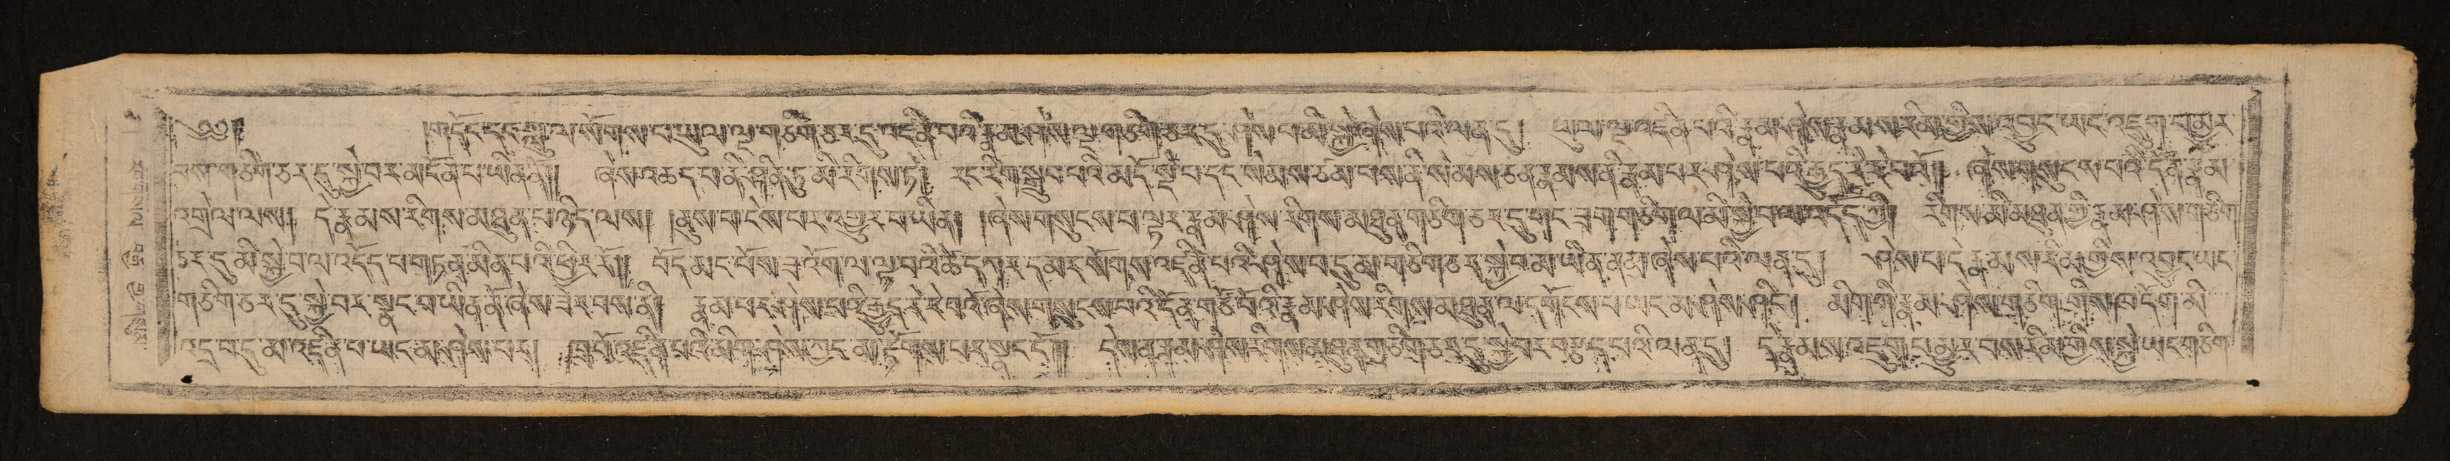༄༅། །གདོང་དང་ཀླུ་ལ་སོགས་པ་ཡུལ་ལྔ་གཅིག་ཅར་དུ་འཛིན་པའི་རྣམ་ཤེས་ལྔ་གཅིག་ཅར་དུ་ཤེས་པ་མི་སྐྱེ་ཞེས་པའི་ལན་དུ། ཡུལ་ལྔ་འཛིན་པའི་རྣམ་ཤེས་རྣམས་རིམ་གྱིས་འབྱུང་ཡང་འཇུག་པ་མྱུར་
བས་ཅྒིག་ཅར་དུ་སྐྱེ་བར་མངོན་པ་ཡིན་ནོ།། ཞེས་འཆད་པ་ནི་ཤིན་ཏུ་མི་རིགས་ཏེ། རང་རིག་སྒྲུབ་པའི་མདོ་སྡེ་པ་དང་སེམས་ཙམ་པས་ནི་སེམས་ཅན་རྣམས་ནི་རྣམ་པར་ཤེས་པའི་རྒྱུད་རེ་རེ་བའོ།། ཞེས་གསུངས་པའི་དོན་རྣམ་
འགྲེལ་ལས། དེ་རྣམས་རིགས་མཐུན་པ་ཉིད་ལས། །ནུས་པ་ངེས་པར་འགྱུར་བ་ཡིན། །ཞེས་གསུངས་པ་ལྟར་རྣམ་ཤེས་རིགས་མཐུན་གཅིག་ཅར་དུ་གང་ཟག་གཅིག་ལ་མི་སྐྱེ་བ་ལ་འདོད་ཀྱི། རིགས་མི་མཐུན་གྱི་རྣམ་ཤེས་གཅིག་
ཅར་དུ་མི་སྐྱེ་བ་ལ་འདོད་པ་གཏན་མིན་པའི་ཕྱིར་རོ།། བོད་མང་པོས་ཟ་འོག་ལ་ལྟ་བའི་ཚེ་དཀར་དམར་སོགས་འཛིན་པའི་ཤེས་པ་དུ་མ་གཅིག་ཅར་སྐྱེ་བ་མ་ཡིན་ནམ་ཞེས་པའི་ལན་དུ། ཤེས་པ་དེ་རྣམས་རིམ་གྱིས་འབྱུང་ཡང་
གཅིག་ཅར་དུ་སྐྱེ་བར་སྣང་བ་ཡིན་ནོ་ཞེས་ཟེར་བས་ནི། རྣམ་པར་ཤེས་པའི་རྒྱུད་རེ་རེ་བའོ་ཞེས་གསུངས་པའི་དོན་གཙོ་བོའི་རྣམ་ཤེས་རིགས་མཐུན་ལ་དགོངས་པ་ཡང་མ་ཤེས་ཤིང་། མིག་གི་རྣམ་ཤེས་གཅིག་གིས་ཁ་དོག་མི་
འདྲ་བ་དུ་མ་འཛིན་པ་ཡང་མ་ཤེས་པར། ཁྲ་བོ་འཛིན་པའི་མིག་ཤེས་ཀྱང་མ་རྟོགས་པར་སྣང་ངོ།། དེས་ན་རྣམ་ཤེས་རིགས་མཐུན་གཅིག་ཅར་དུ་སྐྱེ་བར་བརྩད་པའི་ལན་དུ། དེ་རྣམས་འཇུག་པ་མྱུར་བས་རིམ་གྱིས་སྐྱེ་ཡང་གཅིག་